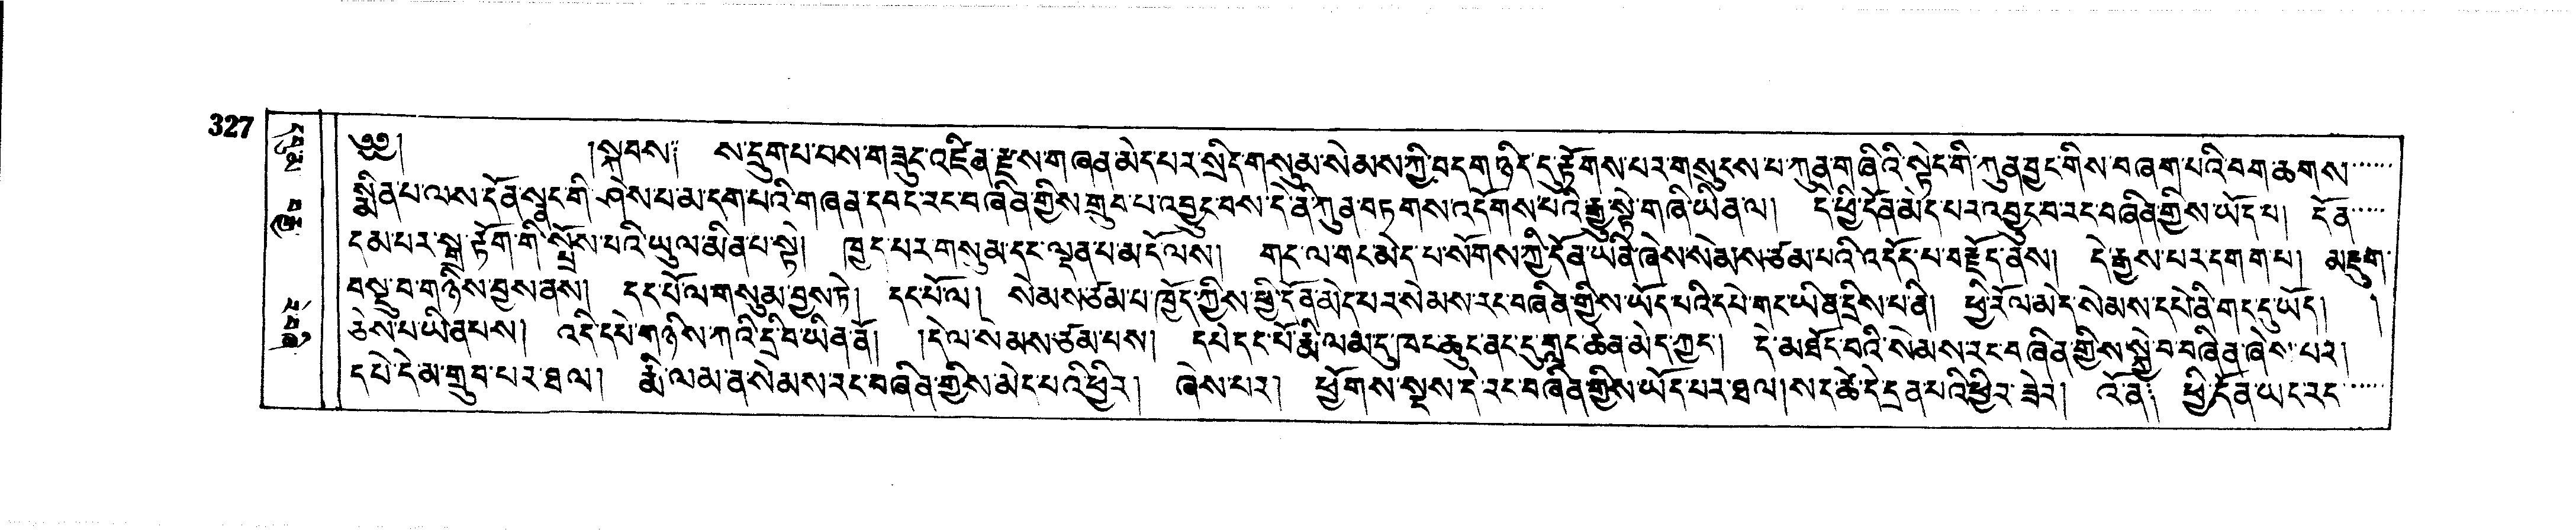༄༅། །སྐབས། ས་དྲུག་པ་བས་གཟུང་འཛིན་རྫས་གཞན་མེད་པར་སྲིད་གསུམ་སེམས་ཀྱི་བདག་ཉིད་དུ་རྟོགས་པར་གསུངས་པ་ཀུན་གཞིའི་སྟེང་གི་ཀུན་བྱང་གིས་བཞག་པའི་བག་ཆགས་
སྨིན་པ་ལས་དོན་སྣང་གི་ཤེས་པ་མ་དག་པའི་གཞན་དབང་རང་བཞིན་གྱིས་གྲུབ་པ་འབྱུང་བས་དེ་ནི་ཀུན་བཏགས་འདོགས་པའི་རྒྱུ་སྟེ་གཞི་ཡིན་ལ། དེ་ཕྱི་དོན་མེད་པར་འབྱུང་བ་རང་བཞིན་གྱིས་ཡོད་པ། དོན་
དམ་པར་སྒྲ་རྟོག་གི་སྤྲོས་པའི་ཡུལ་མིན་པ་སྟེ། ཁྱད་པར་གསུམ་དང་ལྡན་པ་མདོ་ལས། གང་ལ་གང་མེད་པ་སོགས་ཀྱི་དོན་ཡིན་ཞེས་སེམས་ཙམ་པའི་འདོད་པ་བརྗོད་ནས། དེ་རྒྱས་པར་དགག་པ། མཇུག་
བསྡུ་བ་གཉིས་བྱས་ནས། དང་པོ་ལ་གསུམ་བྱས་ཏེ། དང་པོ་ལ། སེམས་ཙམ་པ་ཁྱོད་ཀྱིས་ཕྱི་དོན་མེད་པར་སེམས་རང་བཞིན་གྱིས་ཡོད་པའི་དཔེ་གང་ཡིན་དྲིས་པ་ནི། ཕྱི་རོལ་མེད་སེམས་དཔེ་ནི་གང་དུ་ཡོད། །
ཅེས་པ་ཡིན་པས། འདི་དཔེ་གཉིས་ཀའི་དྲི་བ་ཡིན་ནོ། །དེ་ལ་སེམས་ཙམ་པས། དཔེ་དང་པོ་རྨི་ལམ་དུ་ཁང་ཆུང་ནང་དུ་གླང་ཆེན་མེད་ཀྱང་། དེ་མཐོང་བའི་སེམས་རང་བཞིན་གྱིས་སྐྱེ་བ་བཞིན་ཞེས་པར།
དཔེ་དེ་མ་གྲུབ་པར་ཐལ། རྨི་ལམ་ན་སེམས་རང་བཞིན་གྱིས་མེད་པའི་ཕྱིར། ཞེས་པར། ཕྱོགས་སྔས་དེ་རང་བཞིན་གྱིས་ཡོད་པར་ཐལ། སད་ཚེ་དེ་དྲན་པའི་ཕྱིར་ཟེར། འོ་ན། ཕྱི་དོན་ཡང་རང་